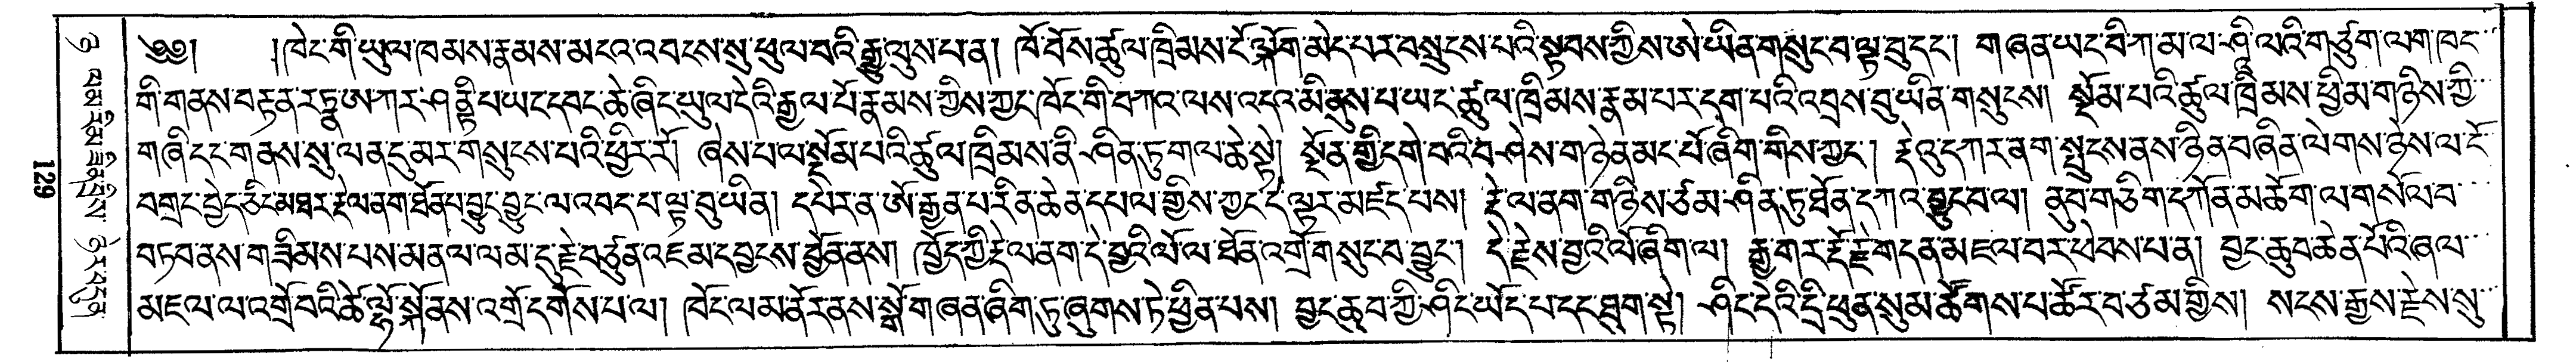༄༅། །ཁིང་གི་ཡུལ་ཁམས་རྣམས་མངའ་འབངས་སུ་ཕུལ་བའི་རྒྱུ་ཞུས་པ་ན། ཁོ་བོས་ཚུལ་ཁྲིམས་ངོ་ལྐོག་མེད་པར་བསྲུངས་པའི་སྟབས་ཀྱིས་ཨེ་ཡིན་གསུང་བ་ལྟ་བུ་དང་། གཞན་ཡང་བི་ཀ་མ་ལ་ཤཱི་ལའི་གཙུག་ལག་ཁང་
གི་གནས་བརྟན་རཏྣ་ཨ་ཀར་ཤནྟི་པ་ཡང་དབང་ཆེ་ཞིང་ཡུལ་དེའི་རྒྱལ་པོ་རྣམས་ཀྱིས་ཀྱང་ཁོང་གི་བཀའ་ལས་འདའ་མི་ནུས་པ་ཡང་ཚུལ་ཁྲིམས་རྣམ་པར་དག་པའི་འབྲས་བུ་ཡིན་གསུངས། སྡོམ་པའི་ཚུལ་ཁྲིམས་ཕྱི་མ་གཉིས་ཀྱི་
གཞི་དང་གནས་སུ་ལན་དུ་མར་གསུངས་པའི་ཕྱིར་རོ། ཞེས་པ་ལ་སྡོམ་པའི་ཚུལ་ཁྲིམས་ནི་ཤིན་ཏུ་གལ་ཆེ་སྟེ། སྔོན་གྱི་དགེ་བའི་བཤེས་གཉེན་མང་བོ་ཞིག་གིས་ཀྱང་། རྡེའུ་དཀར་ནག་སྤུངས་ནས་ཉིན་བཞིན་ལེགས་ཉེས་ལ་ངོ་
བགྲང་བྱེད་ཅིང་མཐར་རྡེལ་ནག་ཐོན་པ་བྱུང་བྱུང་ལ་འབད་བ་ལྟ་བུ་ཡིན། དཔེར་ན་ཨོ་རྒྱན་པ་རིན་ཆེན་དཔལ་གྱིས་ཀྱང་དེ་ལྟར་མཛད་པས། རྡེལ་ནག་གཉིས་ཙམ་ཤིན་ཏུ་ཐོན་དཀའ་བྱུང་བ་ལ། ནུབ་གཅིག་དཀོན་མཆོག་ལ་གསོལ་བ་
བཏབ་ནས་གཟིམས་པས་མནལ་ལམ་དུ་རྗེ་བཙུན་འཇམ་དབྱངས་བྱོན་ནས། ཁྱོད་ཀྱི་རྡེལ་ནག་དེ་བྱའི་ལོ་ལ་ཐོན་འགྲོ་གསུང་བ་བྱུང་། དེ་རྗེས་བྱའི་ལོ་ཞིག་ལ། རྒྱ་གར་རྡོ་རྗེ་གདན་མཇལ་བར་ཕེབས་པ་ན། བྱང་ཆུབ་ཆེན་པོའི་ཞལ་
མཇལ་ལ་འགྲོ་བའི་ཚེ་ལྷོ་སྐོ་ནས་འགྲོ་དགོས་པ་ལ། ཁོང་ལམ་ནོར་ནས་སྒོ་གཞན་ཞིག་ཏུ་ཞུགས་ཏེ་ཕྱིན་པས། བྱང་ཆུབ་ཀྱི་ཤིང་ཡོད་པ་དང་ཐུག་སྟེ། ཤིང་དེའི་དྲི་ཕུན་སུམ་ཚོགས་པ་ཚོར་པ་ཙམ་གྱིས། སངས་རྒྱས་རྗེས་སུ་